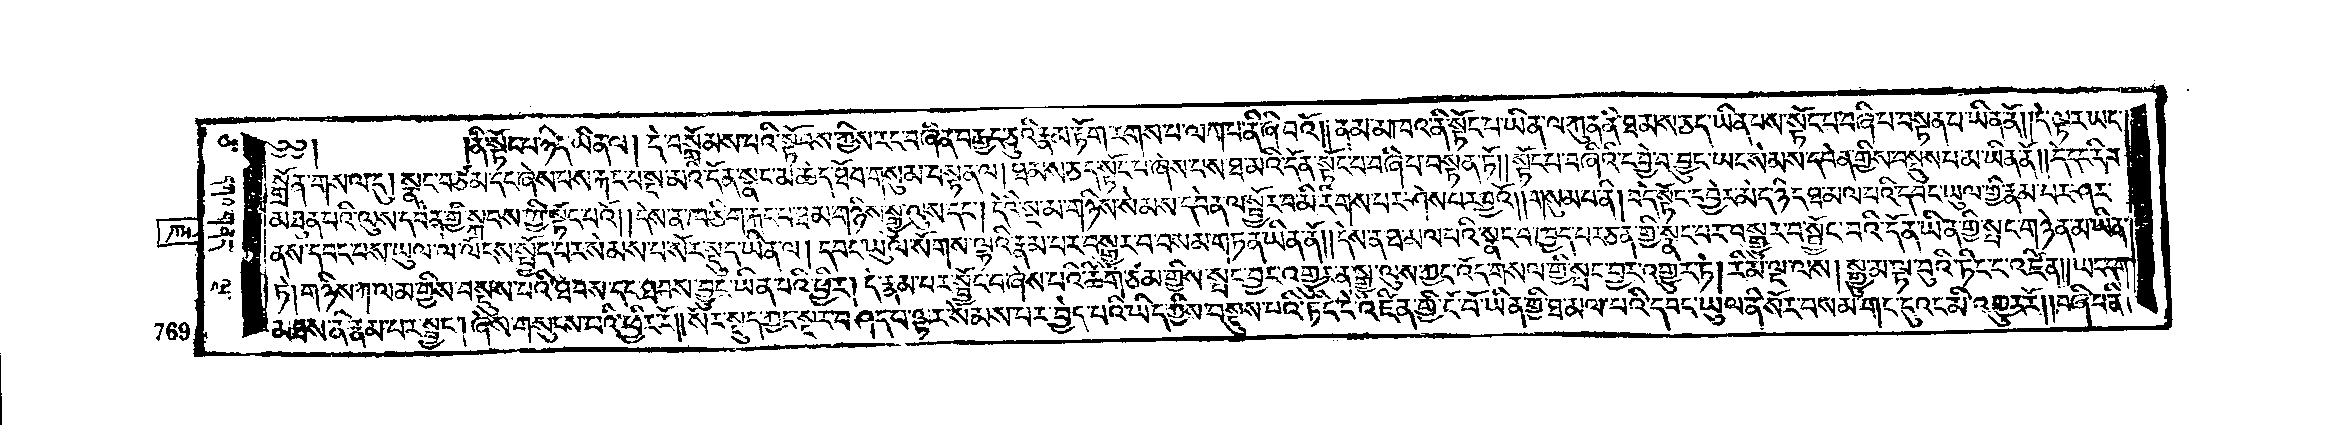༄༅། །ནི་སྟོང་པ་ཉིད་ཡིན་ལ། དེ་བསྒོམས་པའི་སྟོབས་ཀྱིས་རང་བཞིན་བརྒྱད་ཅུའི་རྣམ་རྟོག་རགས་པ་ལག་པ་ནི་ཞི་བའོ། །ནམ་མཁའི་ནི་སྟོང་པ་ཡིན་ལ་ཀུན་ནི་ཐམས་ཅད་ཡིན་པས་སྟོང་པ་བཞི་པ་བསྟན་པ་ཡིན་ནོ། །དེ་ལྟར་ཡང་
སྒྲོན་གསལ་དུ། སྣང་བ་ཙམ་དང་ཞེས་པས་རྐང་པ་སྔ་མའི་དོན་སྣང་མཆེད་ཐོབ་གསུམ་བསྟན་ལ། ཐམས་ཅད་སྟོང་པ་ཞེས་པས་ཐ་མའི་དོན་སྟོང་པ་བཞི་པ་བསྟན་ཏོ། །སྟོང་པ་བཞིའི་དབྱེ་བ་བྱུང་ཡང་སེམས་དབེན་གྱིས་བསྡུས་པ་མ་ཡིན་ནོ། །དེ་དང་རིགས་
མཐུན་པའི་ལུས་དབེན་གྱི་སྐབས་ཀྱི་སྟོང་པའོ། །དེས་ན་ཁ་ཅིག་རྐང་པ་ཐ་མ་གཉིས་སྒྱུ་ལུས་དང་། དེའི་སྔ་མ་གཉིས་སེམས་དབེན་ལ་སྦྱོར་བ་མི་རིགས་པར་ཤེས་པར་བྱའོ། །གསུམ་པ་ནི། བདེ་སྟོང་དབྱེར་མེད་ཉིད་ཐ་མལ་པའི་དབང་ཡུལ་གྱི་རྣམ་པར་ཤར་
ནས་དབང་པོས་ཡུལ་ལ་ལོངས་སྤྱོད་པར་སེམས་པ་སོར་སྡུད་ཡིན་ལ། དབང་ཡུལ་སོགས་ལྷའི་རྣམ་པར་བསྒྱུར་བ་བསམ་གཏན་ཡིན་ནོ། །དེས་ན་ཐ་མལ་པའི་སྣང་བ་ཁྱད་པར་ཅན་གྱི་སྣང་བར་བསྒྱུར་བ་སྦྱོང་བའི་དོན་ཡིན་གྱི་སྤང་གཉེན་མ་ཡིན་
ཏེ། གཉིས་ཀ་ལམ་གྱིས་བསྡུས་པའི་ཐབས་དང་ཐབས་བྱུང་ཡིན་པའི་ཕྱིར། དེ་རྣམ་པར་སྦྱོང་བ་ཞེས་པའི་ཚིག་ཙམ་གྱིས་སྤང་བྱར་འགྱུར་ན་སྒྱུ་ལུས་ཀྱང་འོད་གསལ་གྱི་སྤང་བྱར་འགྱུར་ཏེ། རིམ་ལྔ་ལས། སྒྱུ་མ་ལྟ་བུའི་ཏིང་ངེ་འཛིན། །ཡང་དག་
མཐས་ནི་རྣམ་པར་སྦྱང་། ཞེས་གསུངས་པའི་ཕྱིར་རོ། །སོར་སྡུད་ཀྱང་སྔར་བཤད་པ་ལྟར་སེམས་པར་བྱེད་པའི་ཡིད་ཀྱིས་བསྡུས་པའི་ཏིང་ངེ་འཛིན་གྱི་ངོ་བོ་ཡིན་གྱི་ཐ་མལ་པའི་དབང་ཡུལ་ནི་སོར་བསམ་གང་དུའང་མི་འགྱུར་རོ། །བཞི་པ་ནི་